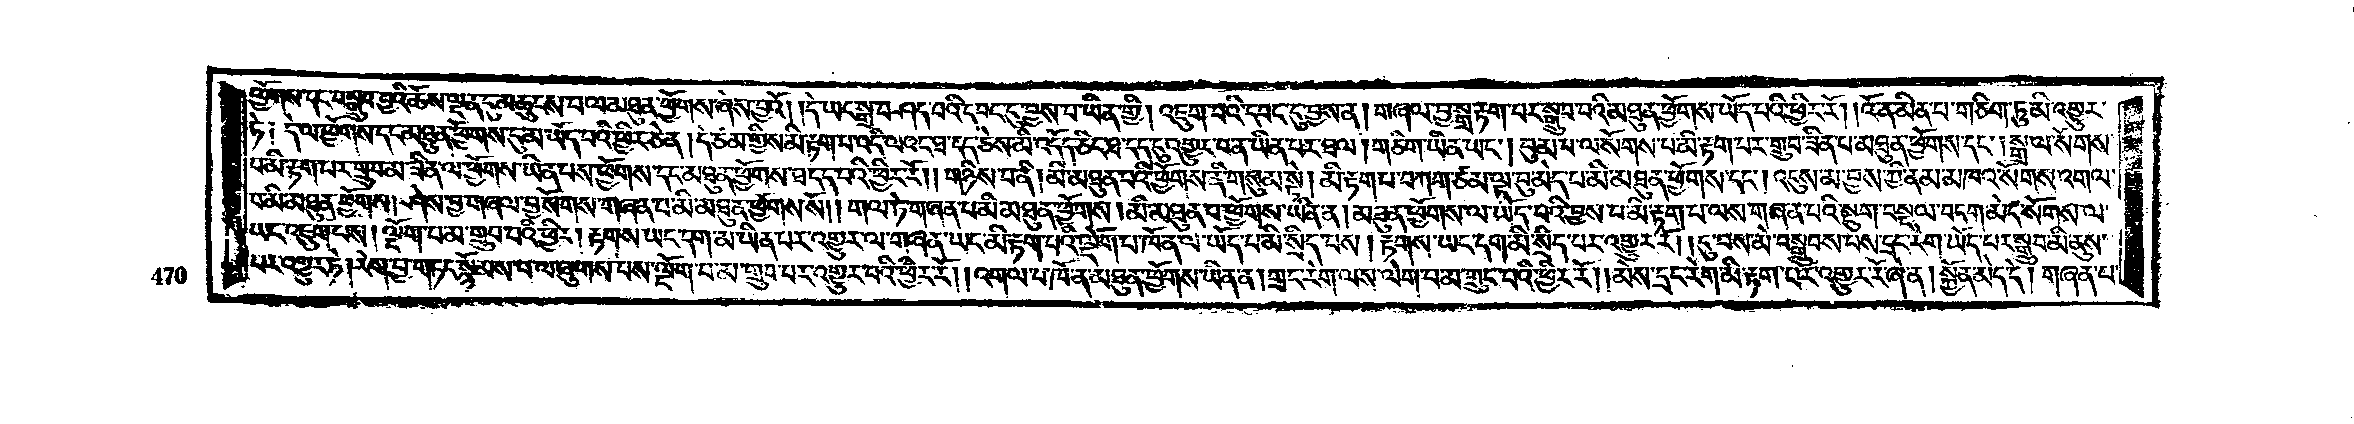ཕྱོགས་དང་བསྒྲུབ་བྱའི་ཆོས་ལྡན་དུ་མཚུངས་པ་ལ་མཐུན་ཕྱོགས་ཞེས་བྱའོ། །དེ་ཡང་སྒྲ་བཤད་པའི་དབང་དུ་བྱས་པ་ཡིན་གྱི། འཇུག་པའི་དབང་དུ་བྱས་ན། གཞལ་བྱ་སྒྲ་རྟག་པར་སྒྲུབ་པའི་མཐུན་ཕྱོགས་ཡོད་པའི་ཕྱིར་རོ། །འོ་ན་མིན་པ་གཅིག་ཏུ་མི་འགྱུར་
ཏེ༑ དེ་ལ་ཕྱོགས་དང་མཐུན་ཕྱོགས་དུ་མ་ཡོད་པའི་ཕྱིར་ཅེ་ན། དེ་ཙམ་གྱིས་མི་རྟག་འདི་ལའང་ཐ་དད་ཅེས་མི་འདོད་ཅིང་ཐ་དད་དུ་འགྱུར་བ་ན་ཡིན་པར་ཐལ། གཅིག་ཡིན་ཡང་། བུམ་པ་ལ་སོགས་པ་མི་རྟག་པར་གྲུབ་ཟིན་པ་མཐུན་ཕྱོགས་དང་། སྒྲ་ལ་སོགས་
པ་མི་རྟག་པར་གྲུབ་མ་ཟིན་ལ་ཕྱོགས་ཡིན་པས་ཕྱོགས་དང་མཐུན་ཕྱོགས་ཐ་དད་པའི་ཕྱིར་རོ། །གཉིས་པ་ནི། མི་མཐུན་པའི་ཕྱོགས་ནི་གསུམ་སྟེ། མི་རྟག་པ་བཀག་ཙམ་ལྟ་བུ་མེད་པ་མི་མཐུན་ཕྱོགས་དང་། འདུས་མ་བྱས་ཀྱི་ནམ་མཁའ་སོགས་འགལ་
བ་མི་མཐུན་ཕྱོགས། ཤེས་བྱ་གཞལ་བྱ་སོགས་གཞན་པ་མི་མཐུན་ཕྱོགས་སོ། །གལ་ཏེ་གཞན་པ་མི་མཐུན་ཕྱོགས། མི་མཐུན་པ་ཕྱོགས་ཡིན་ན། མཐུན་ཕྱོགས་ལ་ཡོད་པའི་བྱས་པ་མི་རྟག་པ་ལས་གཞན་པའི་སྡུག་བསྔལ་བདག་མེད་སོགས་ལ་
ཡང་འཇུག་པས། ལྡོག་པ་མ་གྲུབ་པའི་ཕྱིར། རྟག་ཡང་དག་མ་ཡིན་པར་འགྱུར་ལ་གཞན་ཡང་མི་རྟག་པའི་ལྡོག་པ་ཁོ་ན་ལ་ཡོད་པ་མི་སྲིད་པས། རྟགས་ཡང་དག་མི་སྲིད་པར་འགྱུར་རོ། །དུ་བས་མེ་བསྒྲུབས་པས་དྲང་རག་ཡོད་པར་སྒྲུབ་མི་ནུས་
པར་འགྱུར་ཏེ། རེག་བྱ་གཏང་སྙོམས་པ་ལ་ཞུགས་པས་ལྡོག་པ་མ་གྲུབ་པར་འགྱུར་བའི་ཕྱིར་རོ། །འགལ་བ་ཁོ་ན་མཐུན་ཕྱོགས་ཡིན་ན། གྲང་རེག་ལས་ལེག་པ་མ་གྲུབ་པའི་ཕྱིར་རོ། །མེས་དྲང་རེག་མི་རྟག་པར་འགྱུར་རོ་ཞེ་ན། སྐྱོན་མེད་དེ་གཞན་པ་